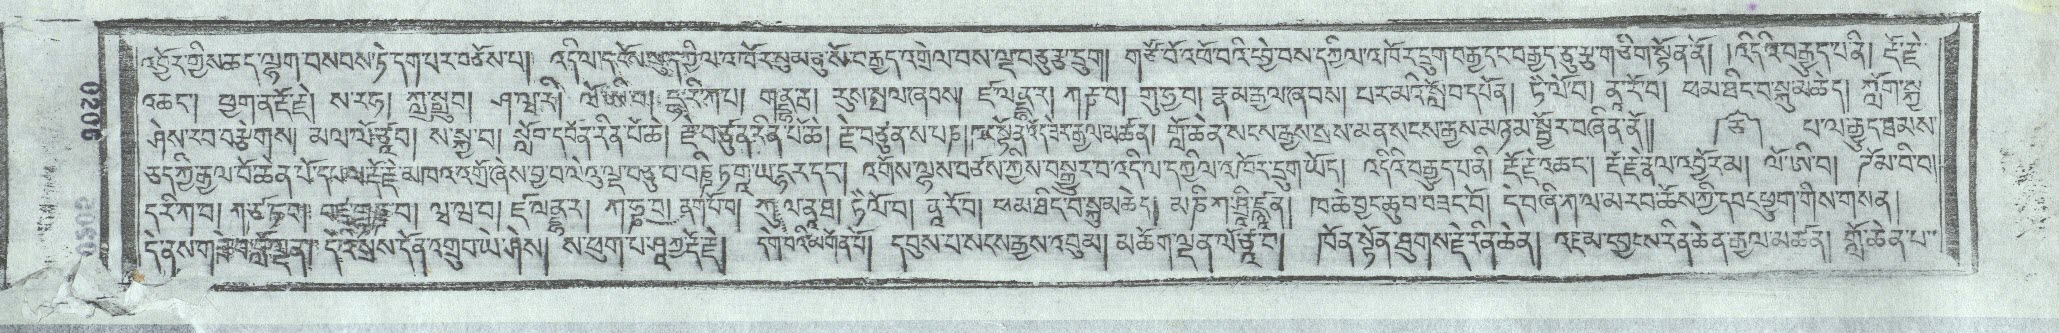འབྱོར་གྱིས་ཆད་ལྷག་བསབས་ཏེ་དག་པར་བཅོས་པ། འདི་ལ་དངོས་སུ་དཀྱིལ་འཁོར་སུམ་ཅུ་སོ་བརྒྱད་འགྲེལ་བས་ལྔ་བཅུ་རྩ་དྲུག། གཙོ་བོ་འཕོ་བའི་དབྱེ་བས་དཀྱིལ་འཁོར་དྲུག་བརྒྱ་དང་བརྒྱད་ཅུ་རྩ་གཅིག་སྟོན་ནོ། །འདིའི་བརྒྱུད་པ་ནི། རྡོ་རྗེ་
འཆང་། ཕྱག་ན་རྡོ་རྗེ། ས་ར་ཧ། ཀླུ་སྒྲུབ། ཤ་ཝ་རི། ལོ་ཨི་བ། དྷ་རི་ཀ་པ། གནྡྷ་རྦ། རུས་སྤལ་ཞབས། ཛ་ལནྡྷ་ར། ཀརྞ་བ། གུ་ཧྱ་བ། རྣམ་རྒྱལ་ཞབས། པར་མའི་སློབ་དཔོན། ཏི་ལོ་བ། ནཱ་རོ་བ། ཕམ་ཐིང་པ་སྐུ་མཆེད། ཀློག་སྐྱ་
ཤེས་རབ་བརྩེགས། མལ་ལོ་ཙཱ་བ། ས་སྐྱབ། སློབ་དཔོན་རིན་པོ་ཆེ། རྗེ་བཙུན་རིན་པོ་ཆེ། རྗེ་བཙུན་ས་པཎ། སྟོན་འོད་ཟེར་རྒྱལ་མཚན། གློ་ཆེན་སངས་རྒྱས་སྲས་མན་སངས་རྒྱས་མཉམ་སྦྱོར་བཞིན་ནོ།། {ཅ}་པ་ལ་རྒྱུད་ཐམས་
ཅད་ཀྱི་རྒྱལ་བོ་ཆེན་པོ་དཔལ་རྡོ་རྗེ་མཁའ་འགྲོ་ཞེས་བྱ་བ་ལེའུ་ལྔ་བཅུ་པ་པཎྜི་ཏ་གཱ་ཡདྷར་དང་། འགོས་ལྷས་བཙས་ཀྱིས་བསྒྱུར་བ་འདི་ལ་དཀྱིལ་འཁོར་དྲུག་ཡོད། འདིའི་བརྒྱུད་པ་ནི། རྡོ་རྗེ་འཆང་། རྡོ་རྗེ་རྣལ་འབྱོར་མ། ལོ་ཨི་བ། ཌོམ་བི་ཕ་
ད་རི་ཀ་བ། ཀ་ཙ་ཏ་བ། བཛྲ་གྷཎྜ་བ། ལྭ་ཝ་བ། ཛ་ལནྡྷ་ར། ཀཧྞ་བ། ནག་པོ་བ། ཀུ་ལ་ནཱ་ཐ། ཏཻ་ལོ་བ། ནཱ་རོ་བ། ཕམ་ཐིང་བ་སྐུ་མཆེད། མཎི་ཀ་ཤྲཱི་ཛྙཱ་ན། ཁ་ཆེ་བྱང་ཆུབ་བཟང་བོ། དེ་བཞི་ཀ་ལ་མར་བ་ཆོས་ཀྱི་དབང་ཕྱུག་གིས་གསན།
དེ་ནས་གཟེ་བ་བློ་ལྡན། དེའི་སྲས་དོན་འགྲུབ་ཡེ་ཤེས། ས་ཕུག་པ་ཤཱཀྱ་རྡོ་རྗེ། དགེ་བའི་མགོན་པོ། དབུས་པ་སངས་རྒྱས་འབུམ། མཆོག་ལྡན་ལོ་ཙཱ་བ། ཁོན་སྟོན་ཐུགས་རྗེ་རིན་ཆེན། འཇམ་དབྱངས་རིན་ཆེན་རྒྱལ་མཚན། གློ་ཆེན་པ་